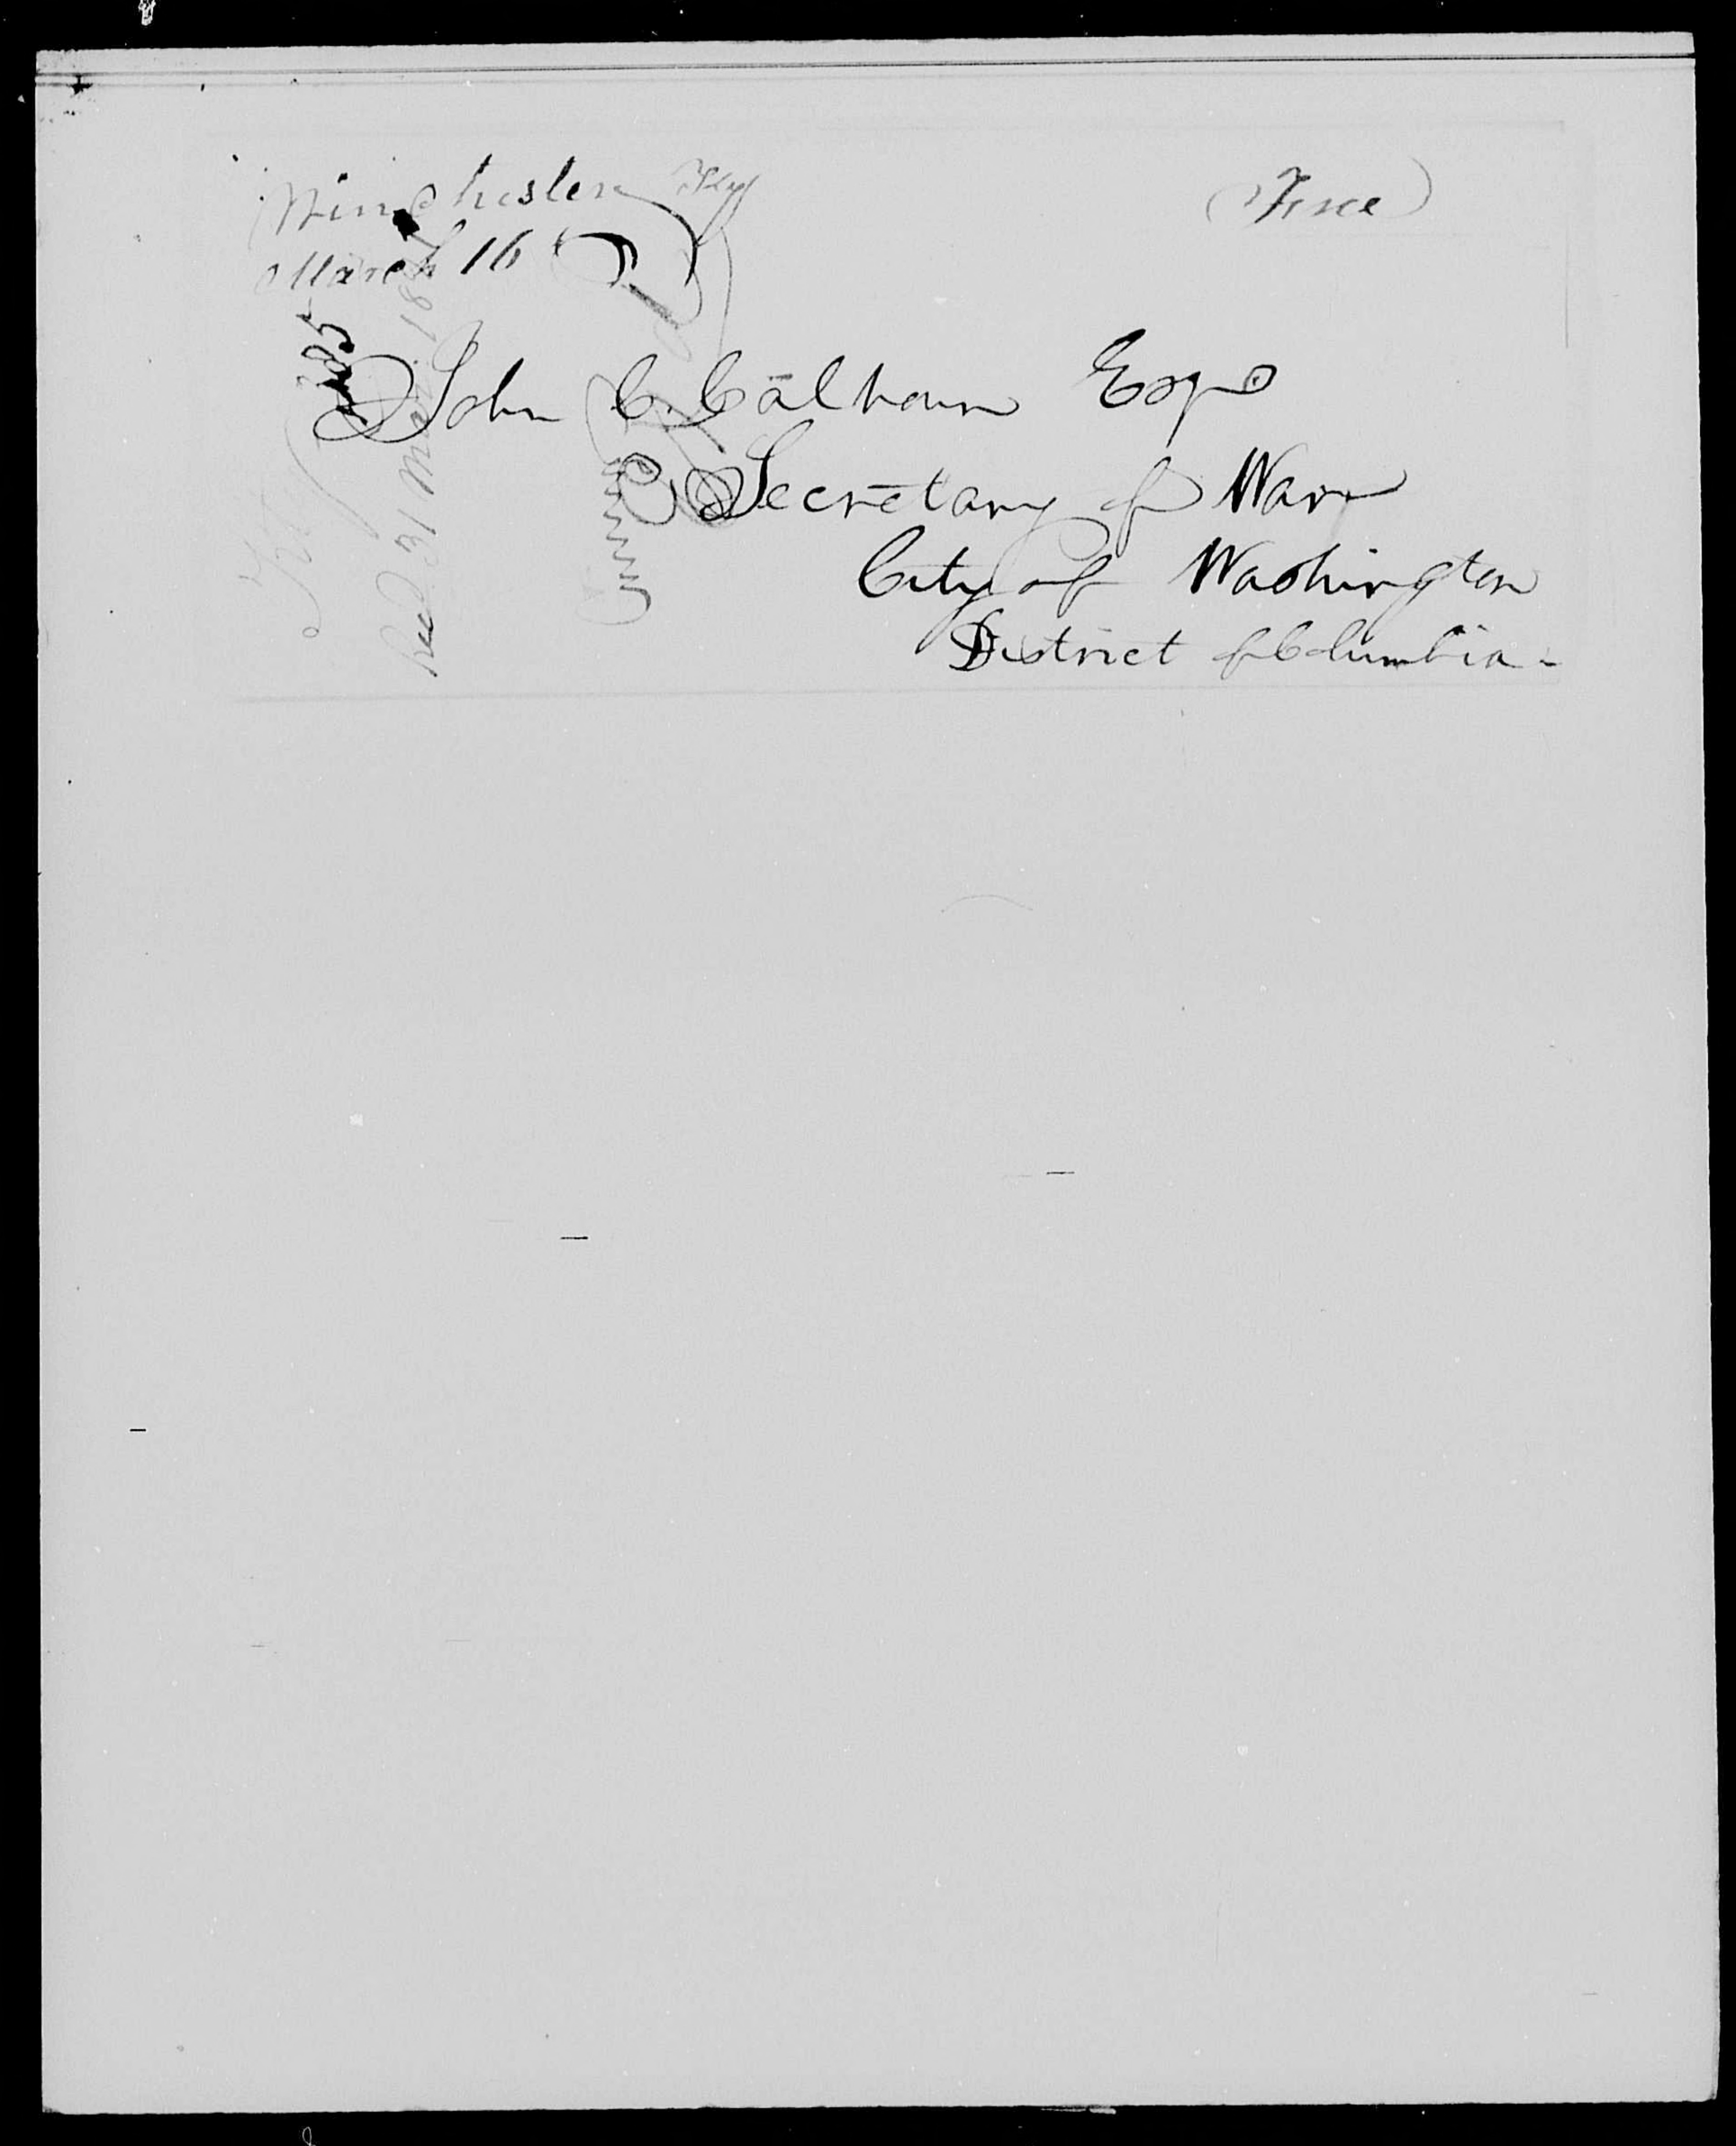Winchester Ky
March 16 
Free
John C. Calhoun Esq
Secretary of War
City of Washington 
District of Columbia

[written along left margin]
Kty 
[illegible] 5
Rec. 31 March 1821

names: John C Calham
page: 21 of 23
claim: survivor's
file: S 35903, John Dunn, Va.